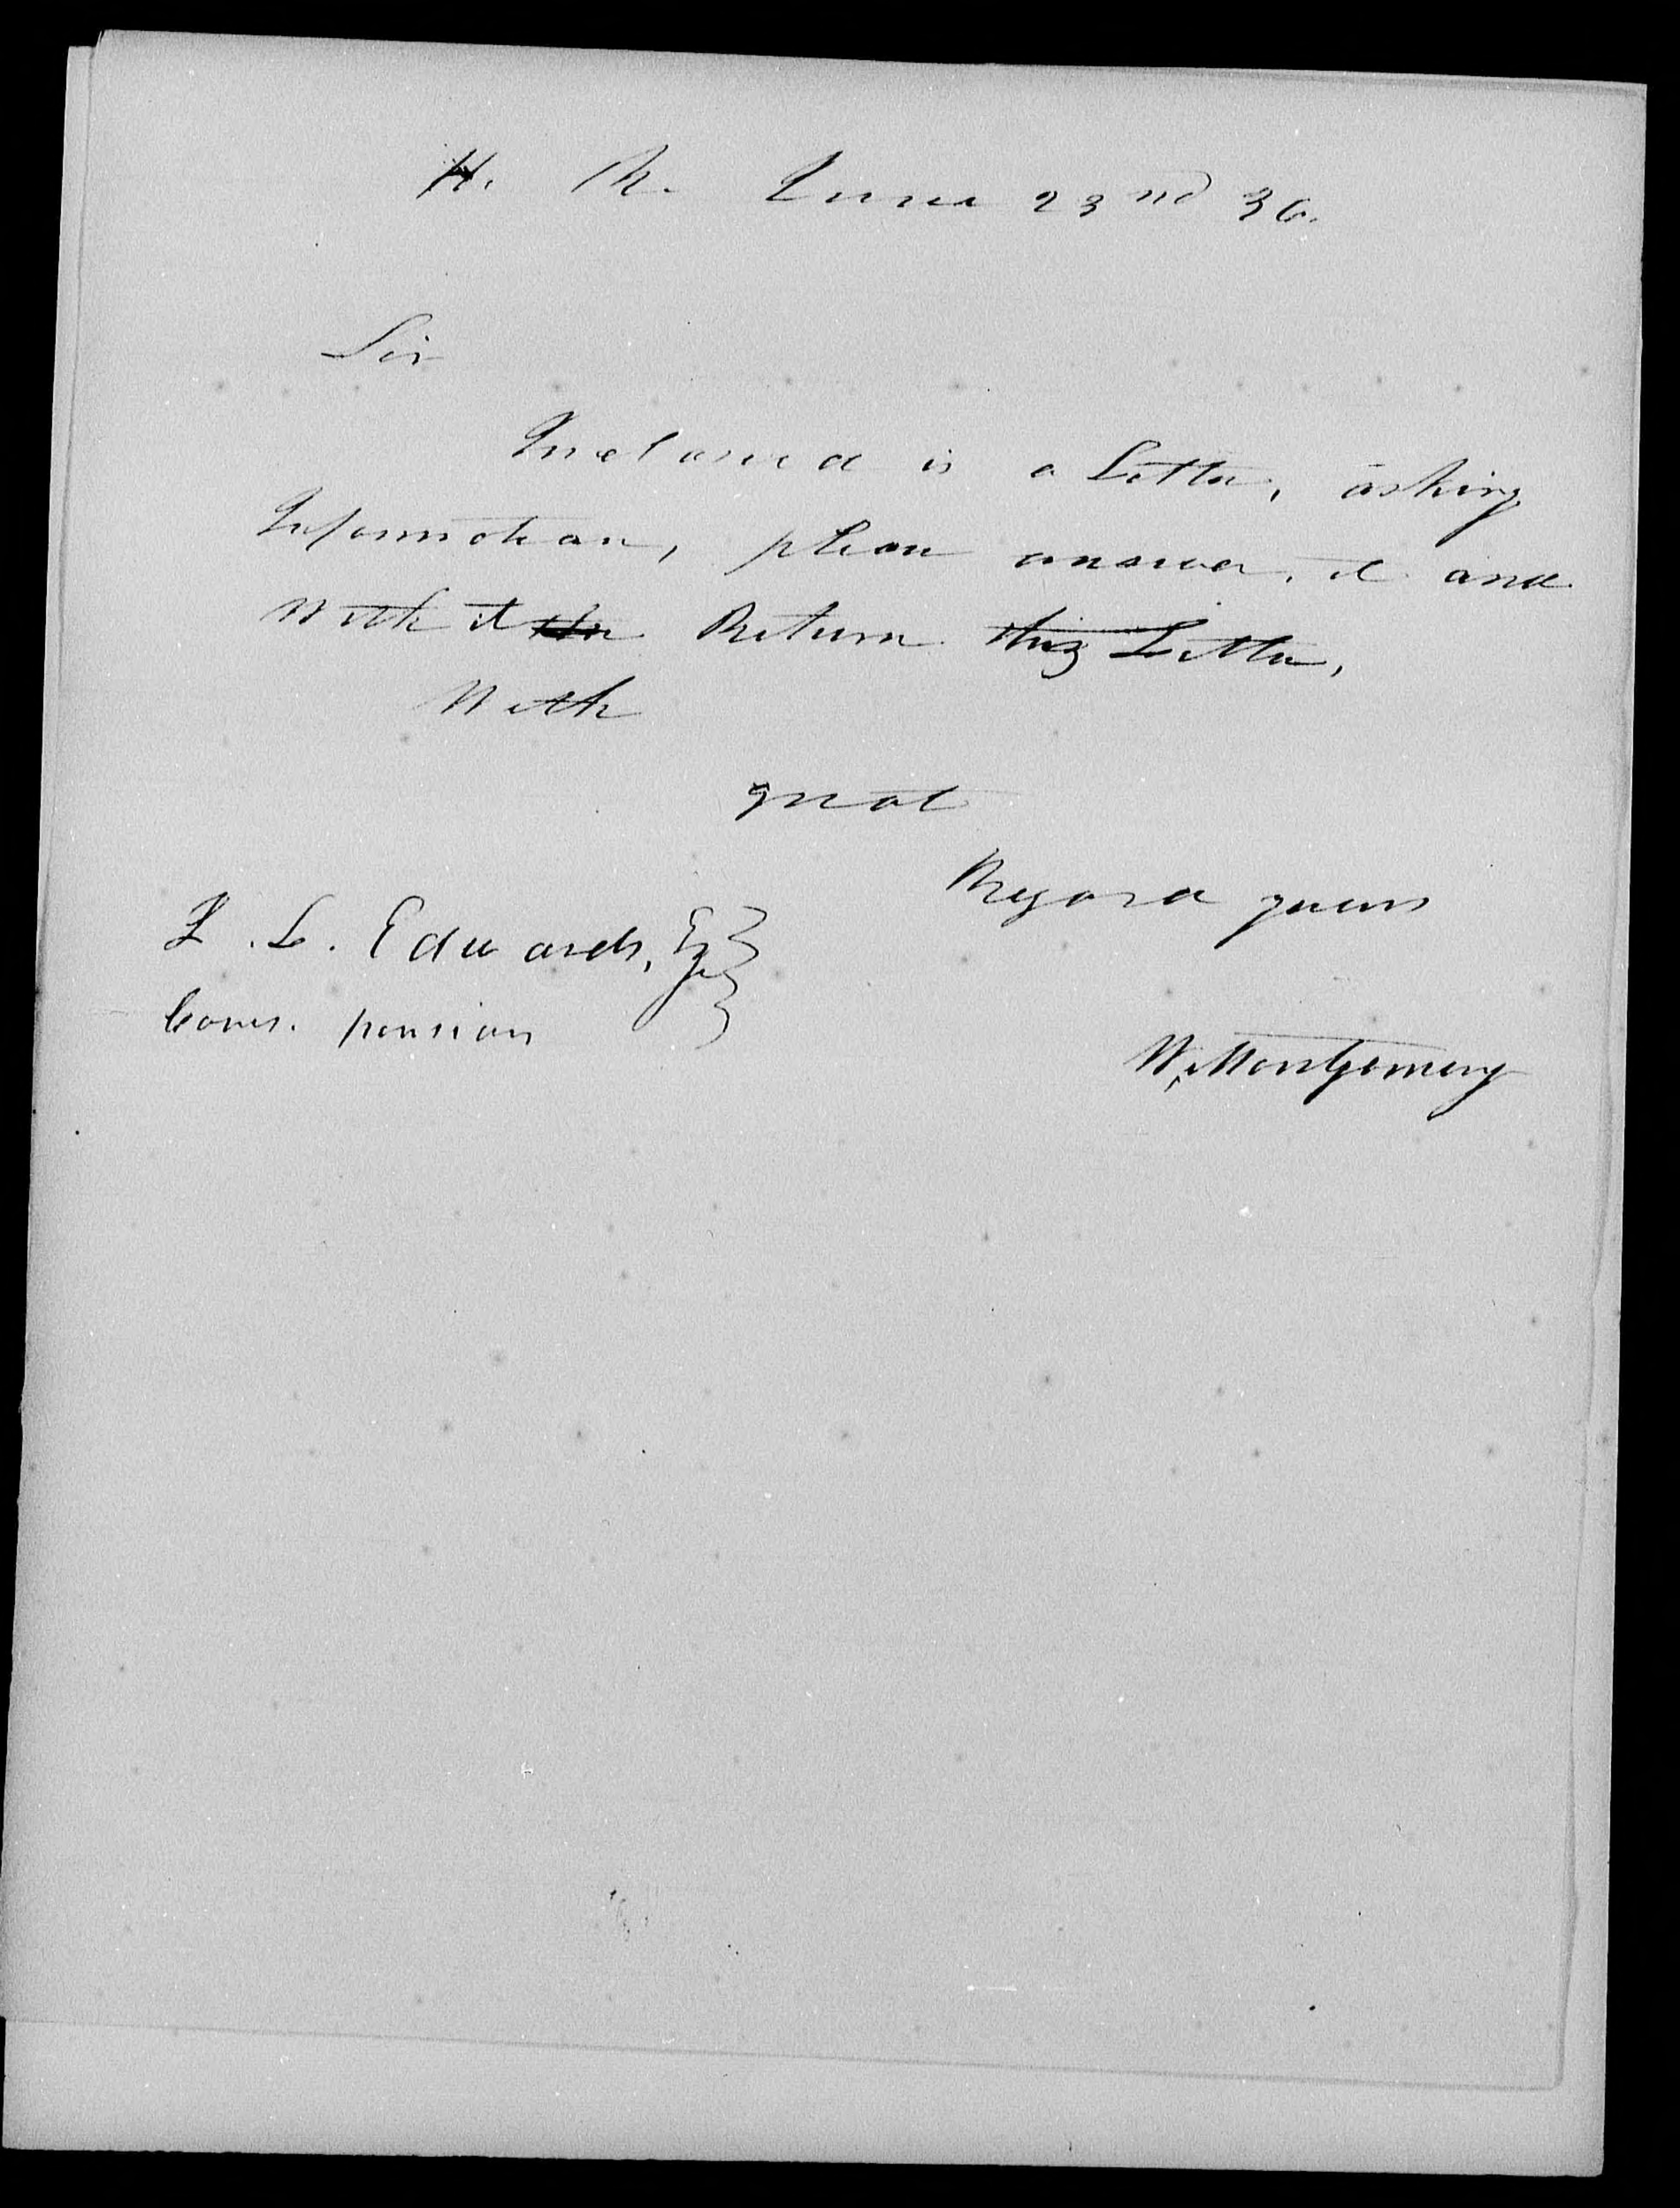[Handwritten letter]
[?] H. M. [or H. R., possibly meaning House of Representatives] June 23rd 36 [1836.

Sir
 
Inclosed {Enclosed] is a Letter, asking Information, please answer it and with it [illegible] Return this Letter, With 
great
Regard yours 

W. Montgomery

J. L. Edwards, Esqr)
Coms. [Commissioner of] pensions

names: W Montgomery, J L Edwards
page: 59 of 145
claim: survivor's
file: S. 8265, William Cumming, N.C.